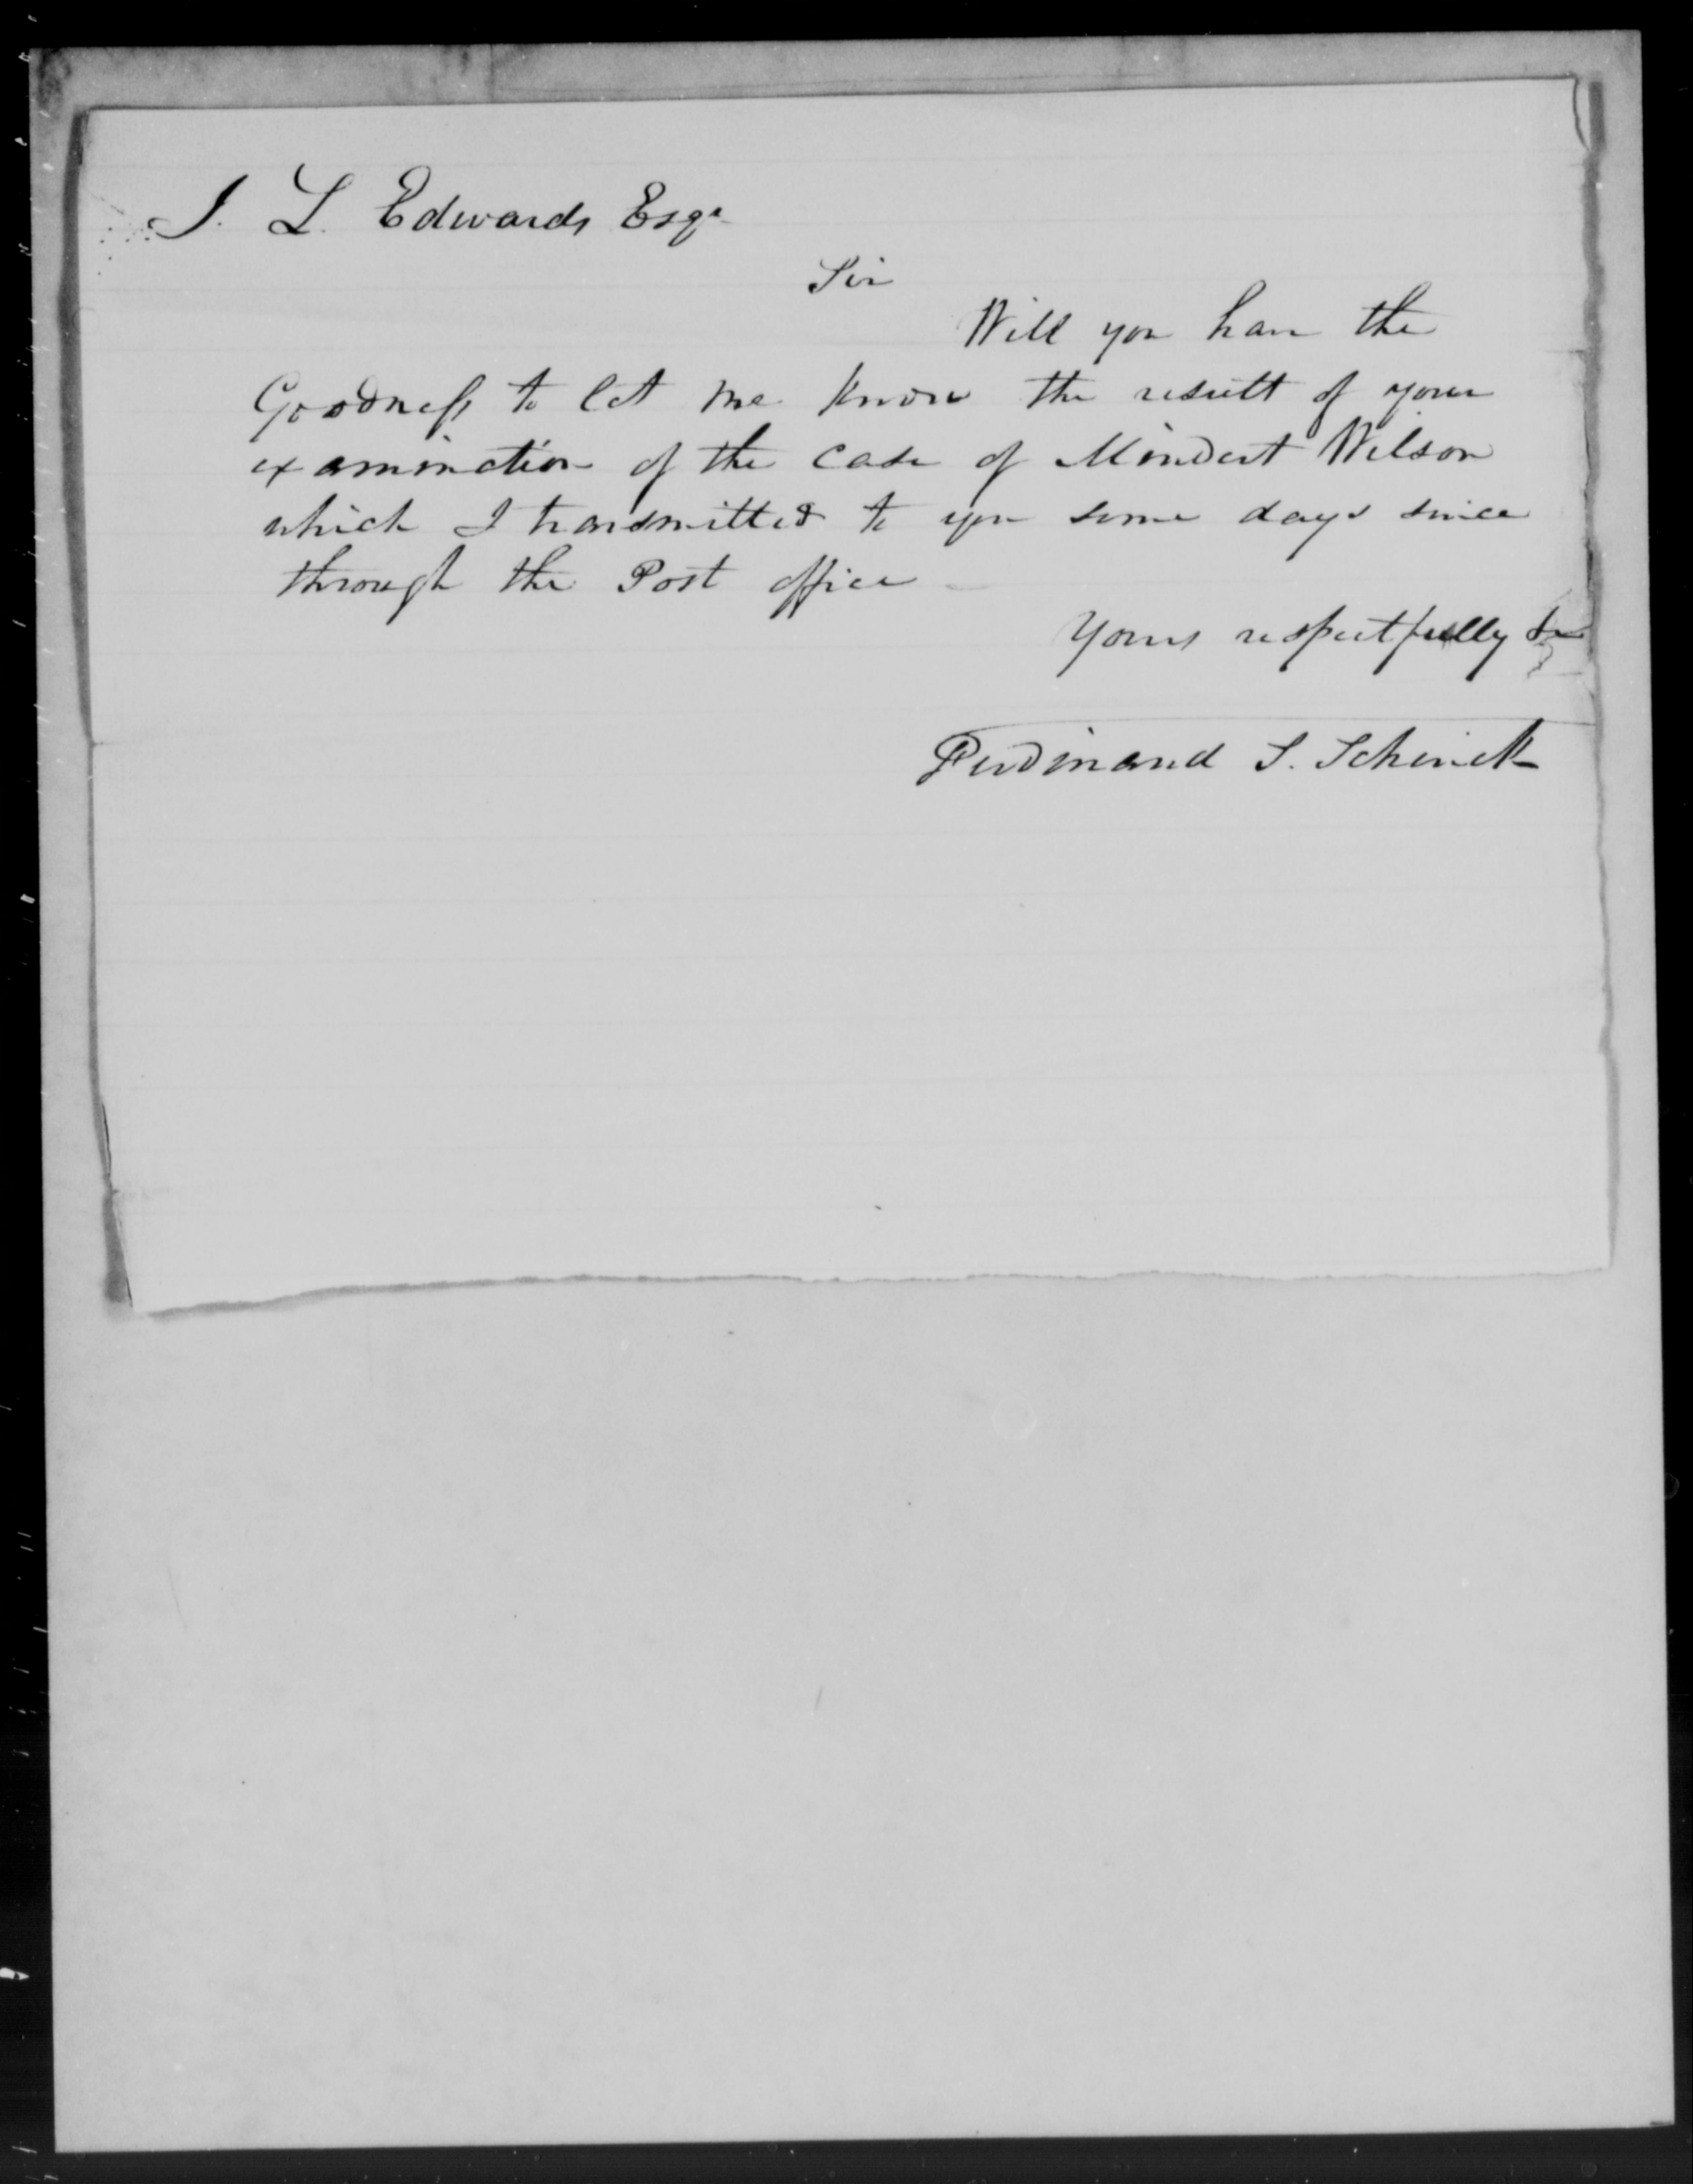J. L. Edwards Esq'r

Sir

Will you have the Goodness to let me know the result of your examination of the case of Mindert Wilson which I transmitted to you some days since through the Post office.

Yours respectfully
Ferdinand S. Schenck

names: J L Edwards, Ferdinand S Schinck, Mindert Wilson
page: 16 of 40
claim: survivor's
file: S. 3564, Mindart Wilson, New Jersey